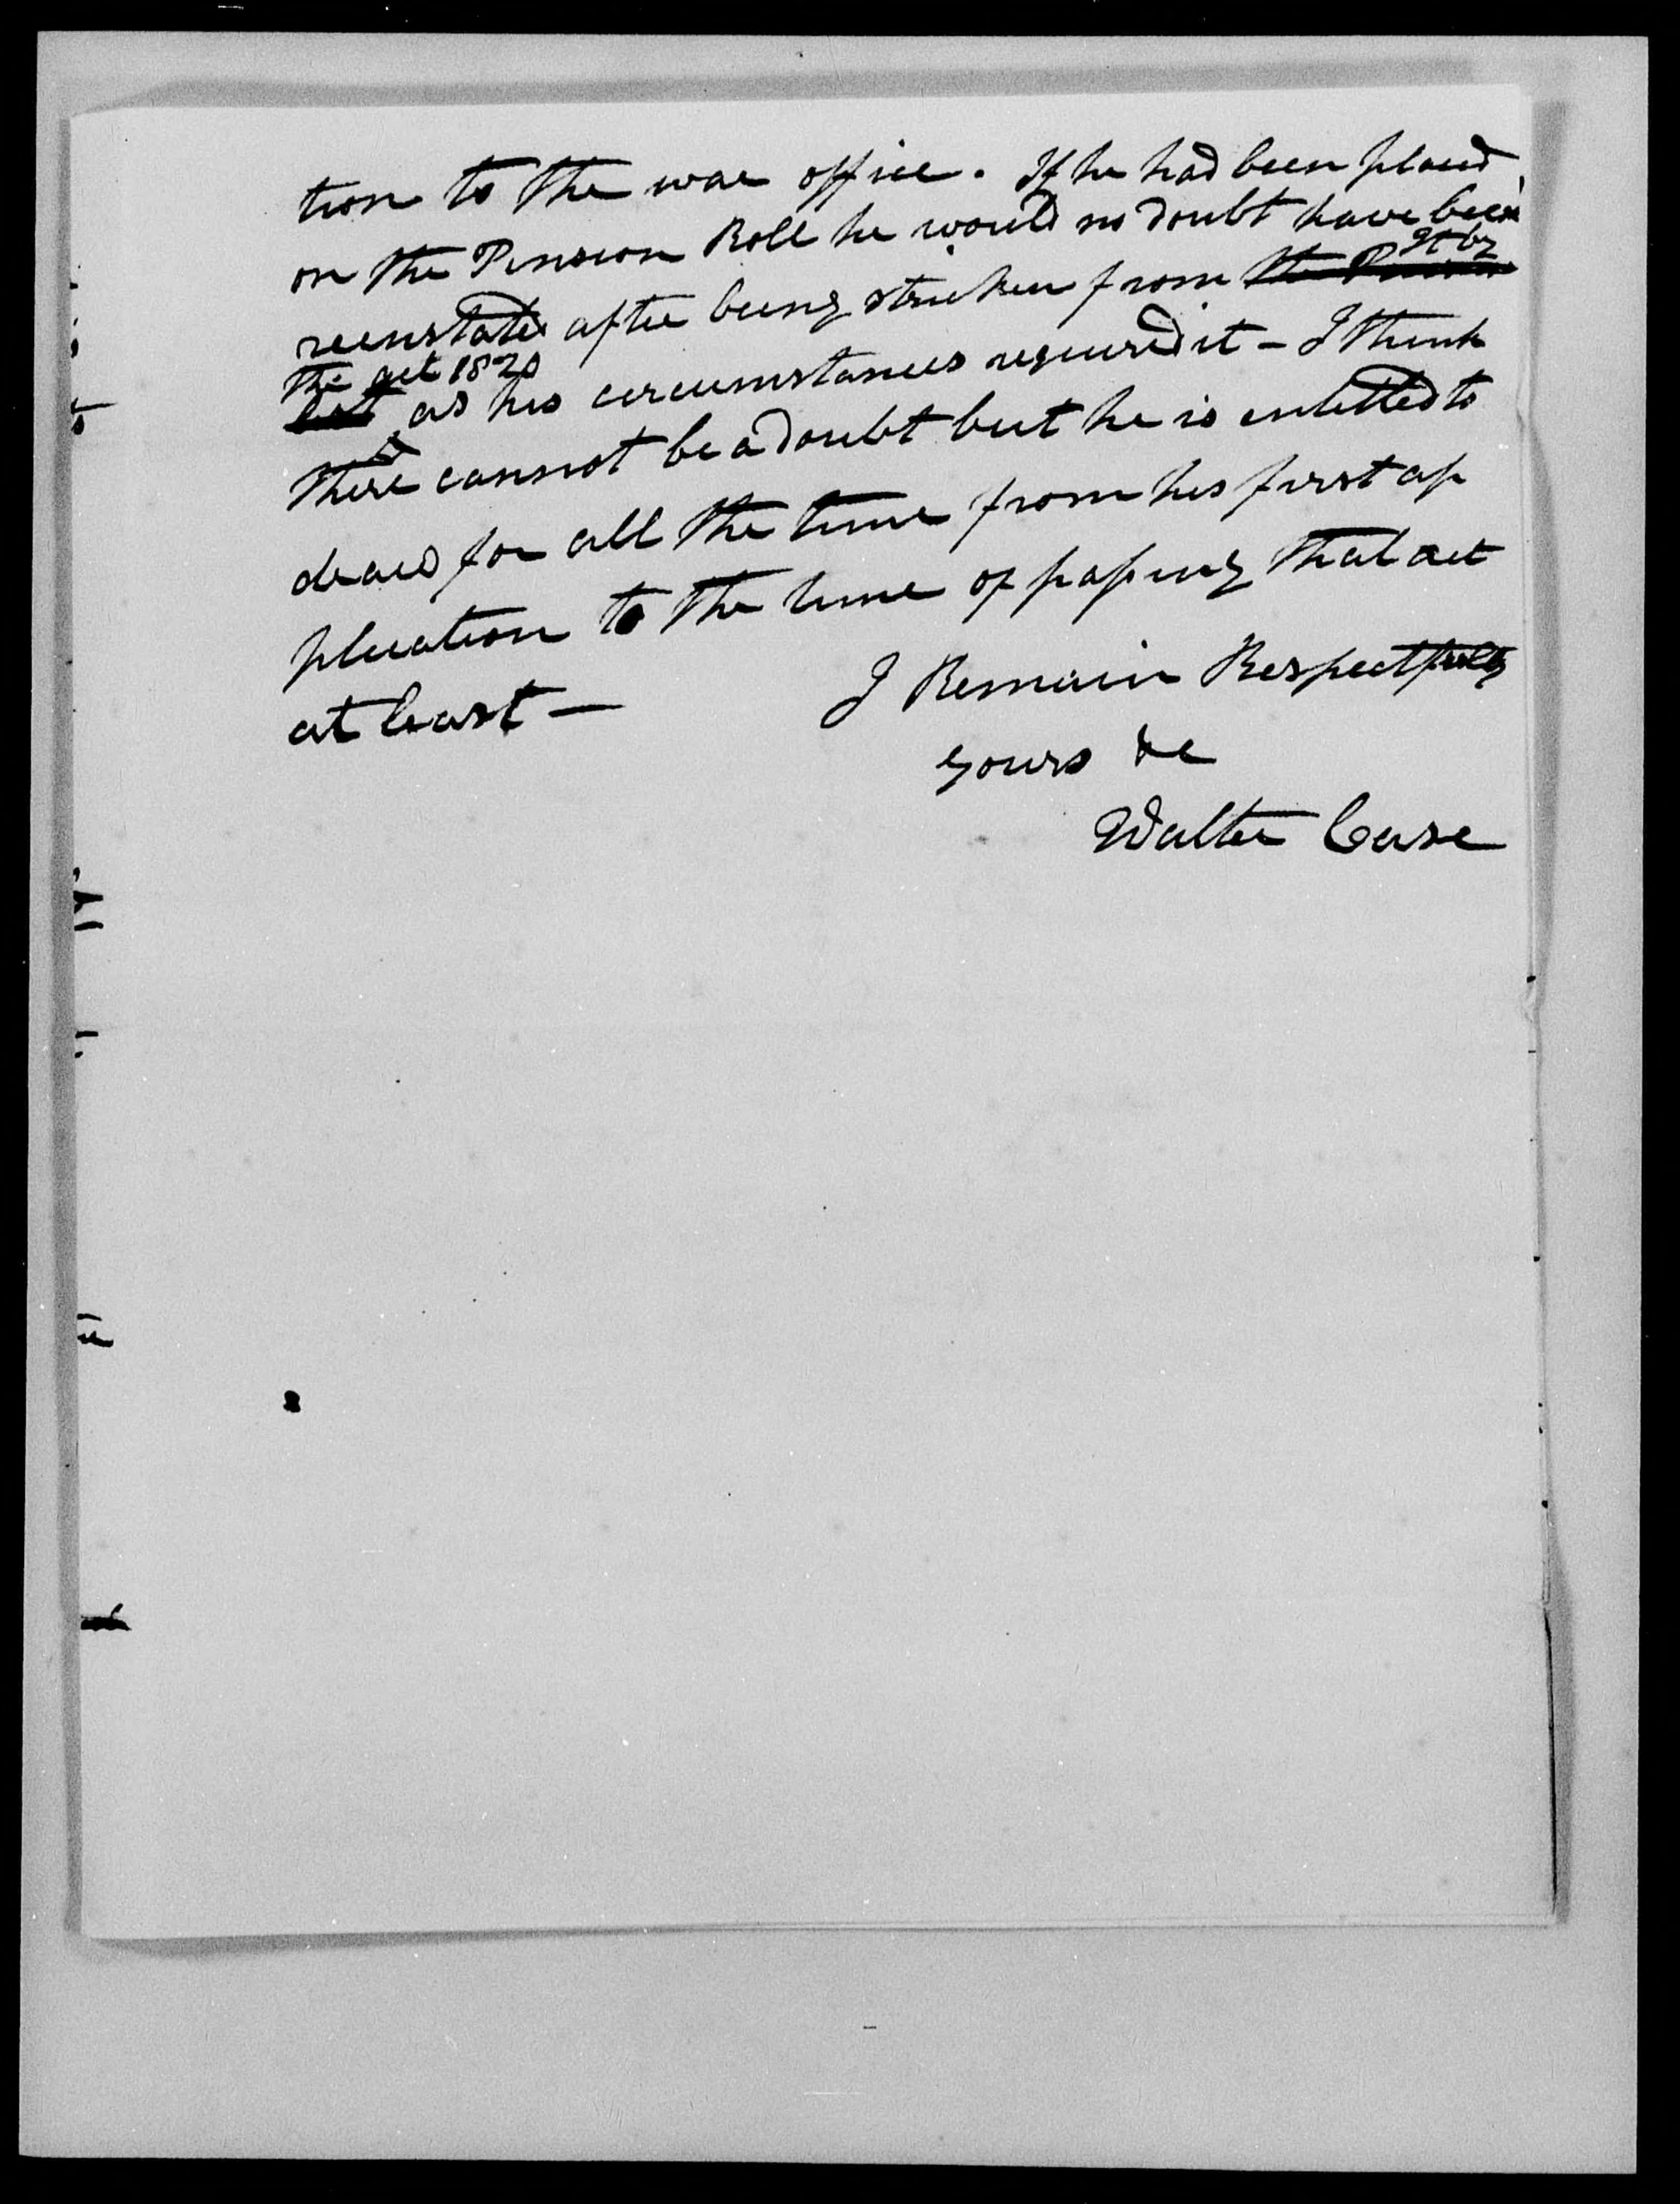tion to the war office.  If he had been placed on the Pension Roll he would no doubt have been reinstated after being stricken from The act 1820 as his circumstances required it - I think there cannot be a doubt but he is entitled to draw for all the time from his first application to the time of papers? that ? at least

I Remain Respectfully
yours &
{signature] Walter Case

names: Walter Case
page: 15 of 23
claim: survivor's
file: S 42891, for Isaac Lockwood, New York